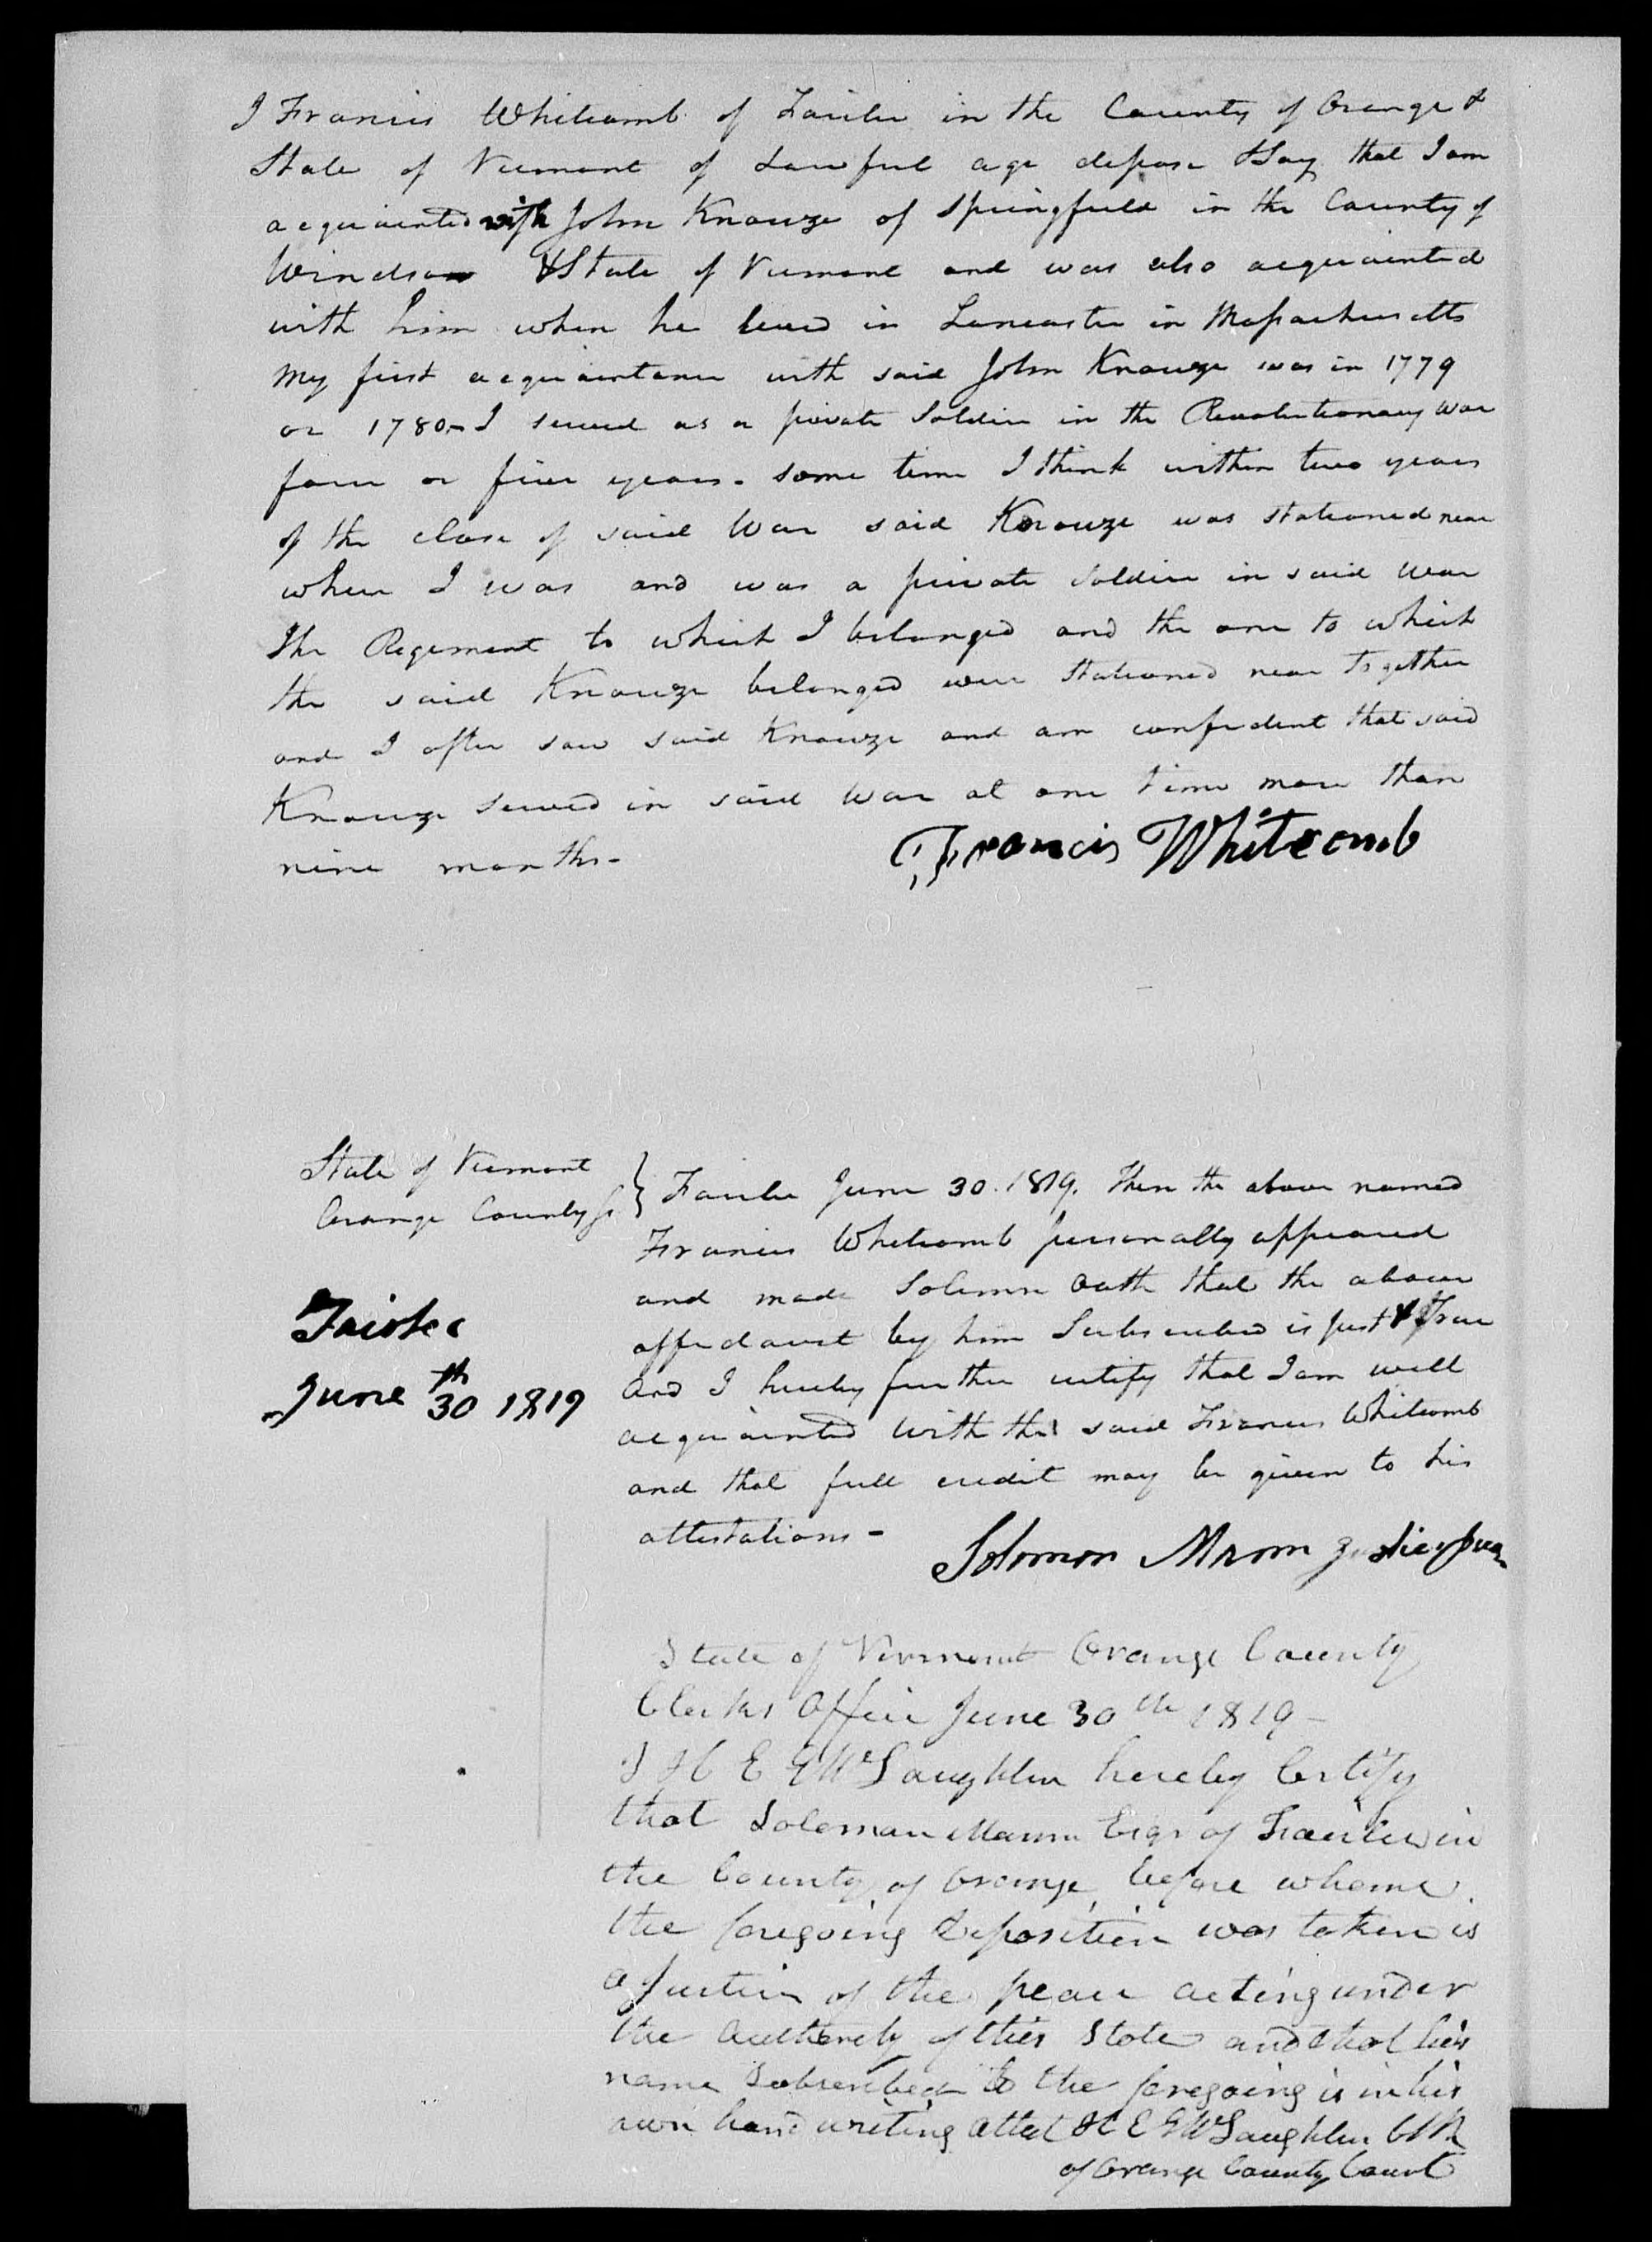I Francis Whitcomb of Fariter[?] in the County of Orange & State of Vermont of lawful age depose say that I am acquainted with John Knowze of Springfield in the County of Windsor & State of Vermont and was also acquainted with him when he lived in Lancaster in Massachusetts my first acquaintance with said John Knowze was in 1779 or 1780 I served as a private soldier in the Revolutionary War four or five years, some time I think within two years of the close of said War said Knowze was stationed near when I was and was a private soldier in said war The Regiment to which I belonged and the one to which the said Knowze belonged were stationed near together and I often saw said Knowze and am confident that said Knowze served in said war at one time man than nine months 
Francis Whitcomb 

Frister[?] June 30 1819 
State of Vermont Orange County 
Farister June 30, 1819. 
Then the above named Francis Whitcomb personally appeared and made solemn oath that the above affidavit by him subscribed is just & true and I hereby further certify that I am well acquainted with the said Frances Whitcomb and that full credit may be given to his attestations 
Solomon Mroon Justice Peace

State of Vermont Orange County Clerks Office June 30th 1819-
I H.E.G. Laughlin hereby certify that Solomon Maroon Esq of Franker in the County of Orange before whom the foregoing deposition was taken is a justice of the peace acting under the authority of this State and that his name subscribed to the foregoing is his own hand writing attest H W Laughlin of Orange County Court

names: H E G Mc Laughlin; Solomon Mroon; Francis Whitcomb; John Knowze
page: 10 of 12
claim: survivor's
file: S. 40,907, for John Knowze, Massachusetts